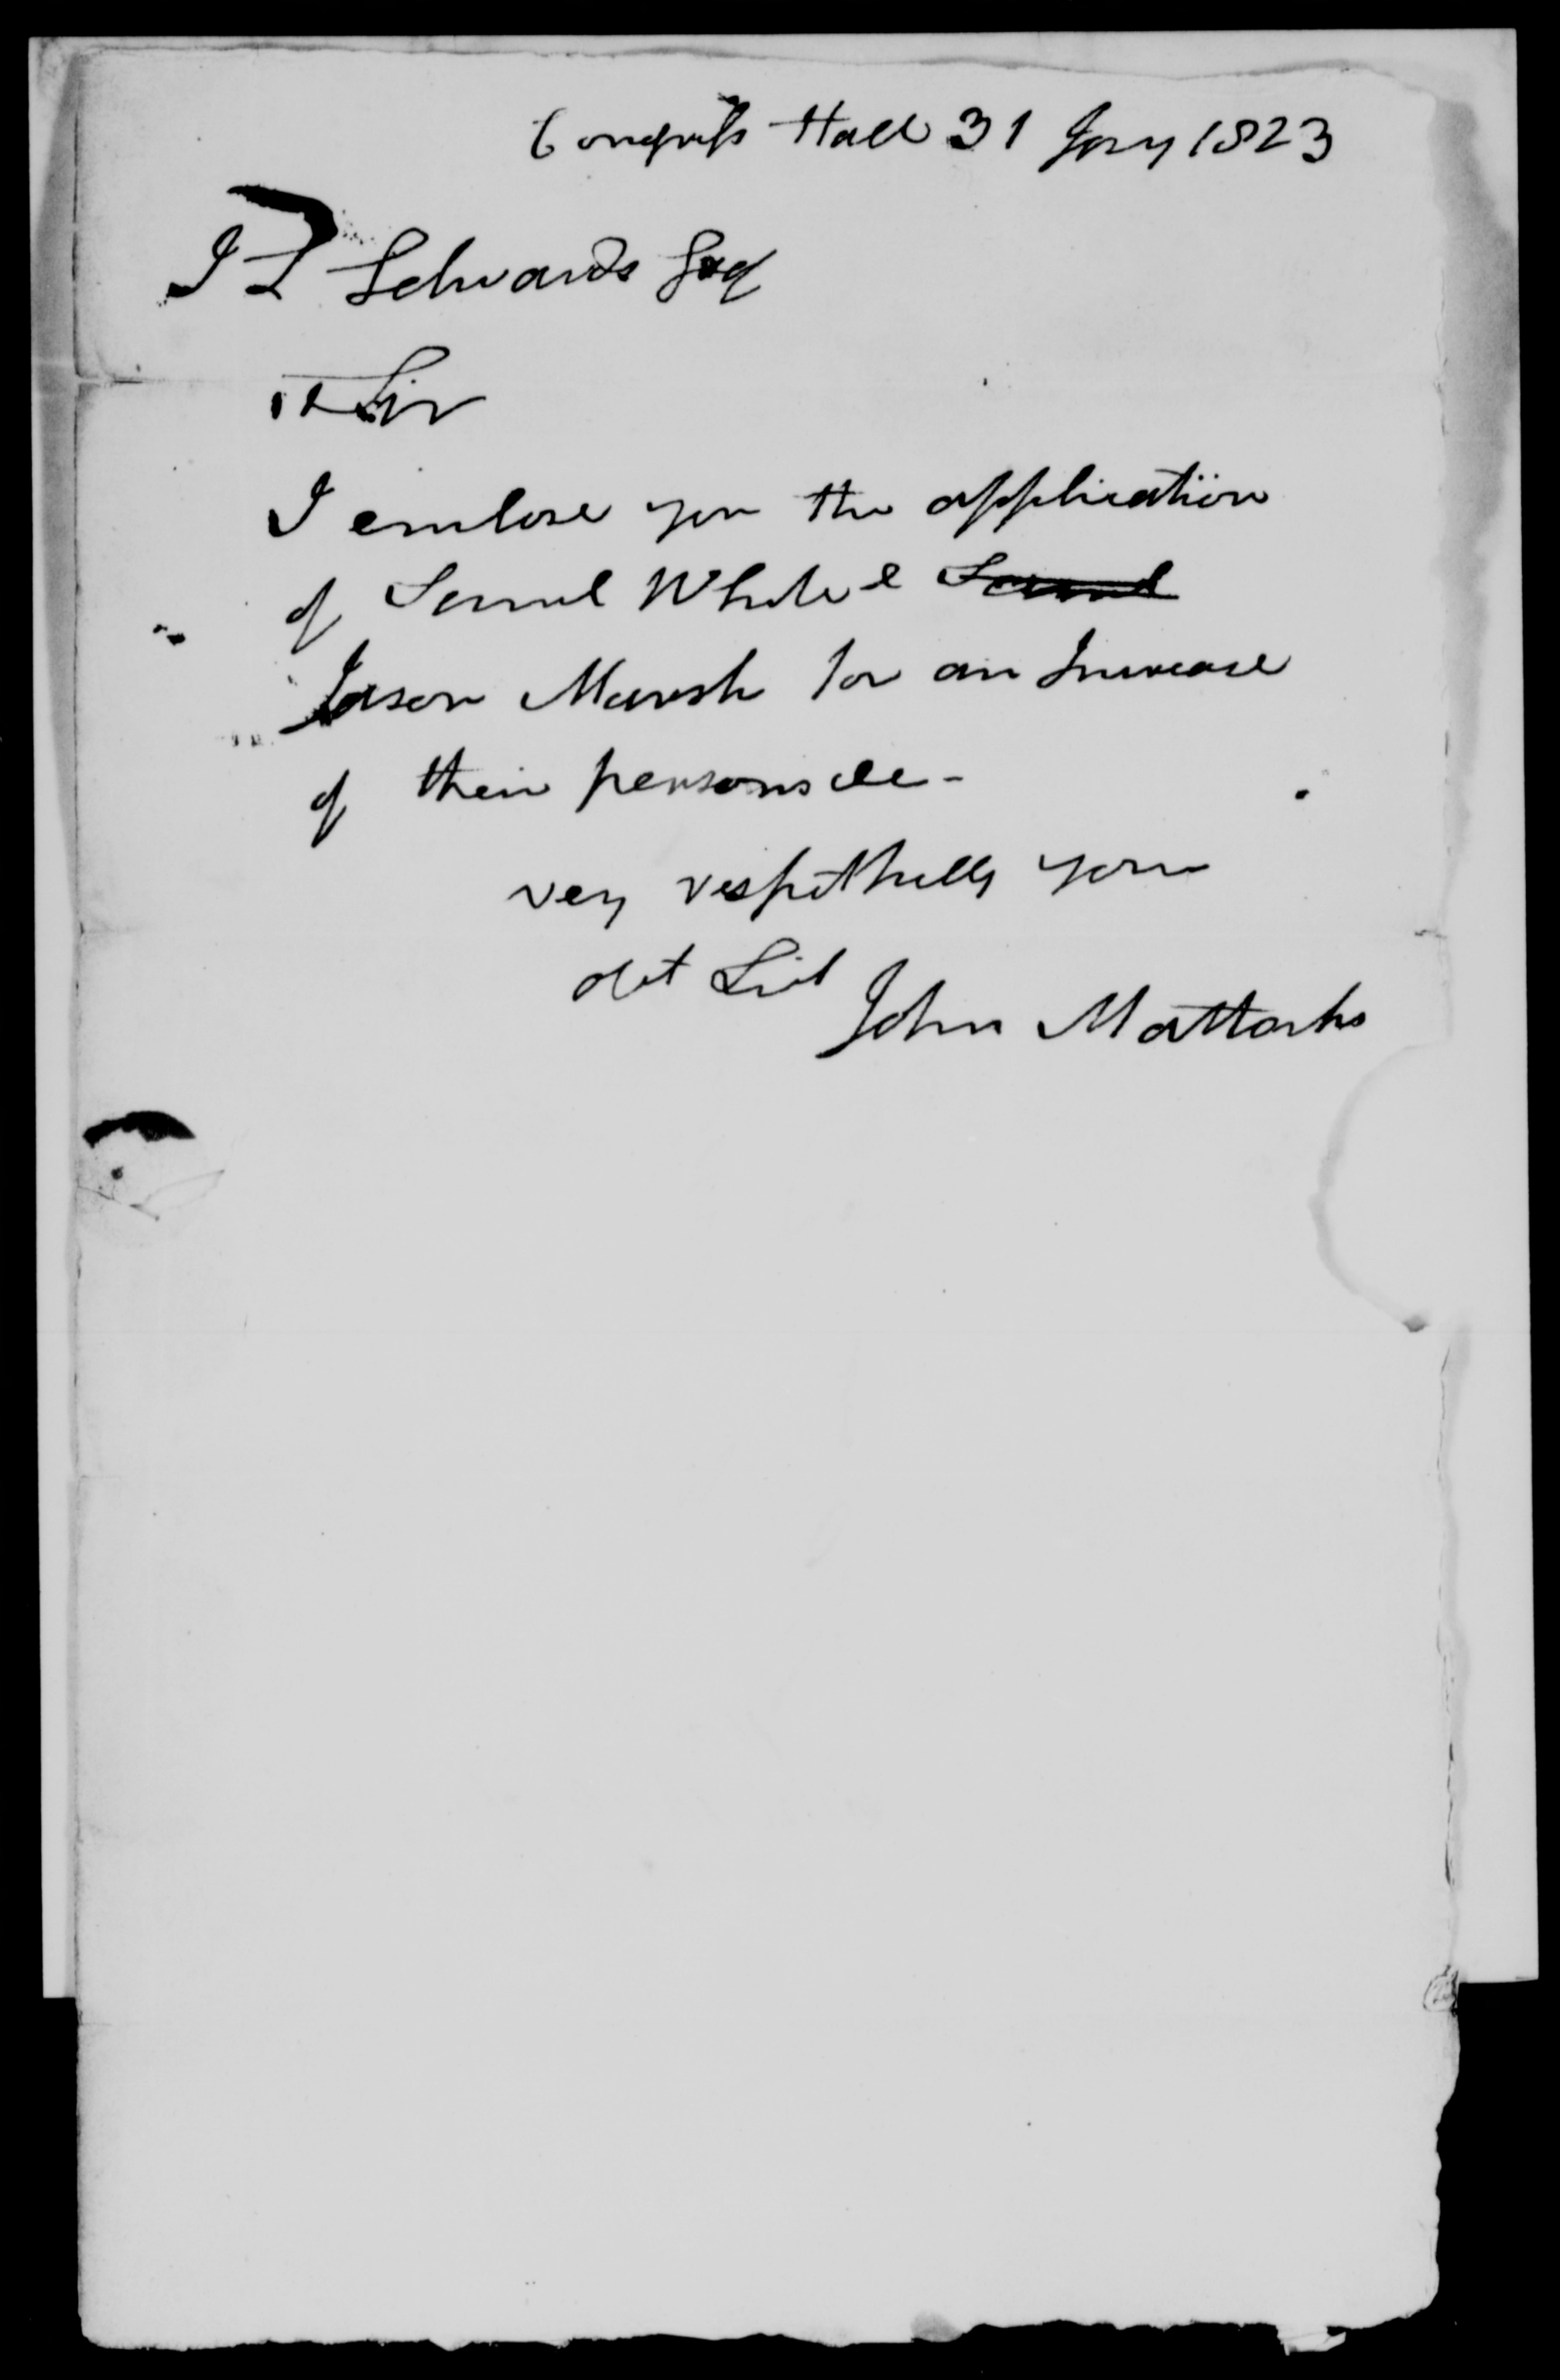Congress Hall 31 Many 1823

J. L. Edwards Esq.

Sir
I enclose you the application of Samuel White Jason Marsh for an increase of their pensions.
very respectfully your obt svt
John Mattocks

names: John Mattocks, J L Edwards, Saml White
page: 54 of 79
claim: survivor's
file: S. 11759, Samuel White, Mass.